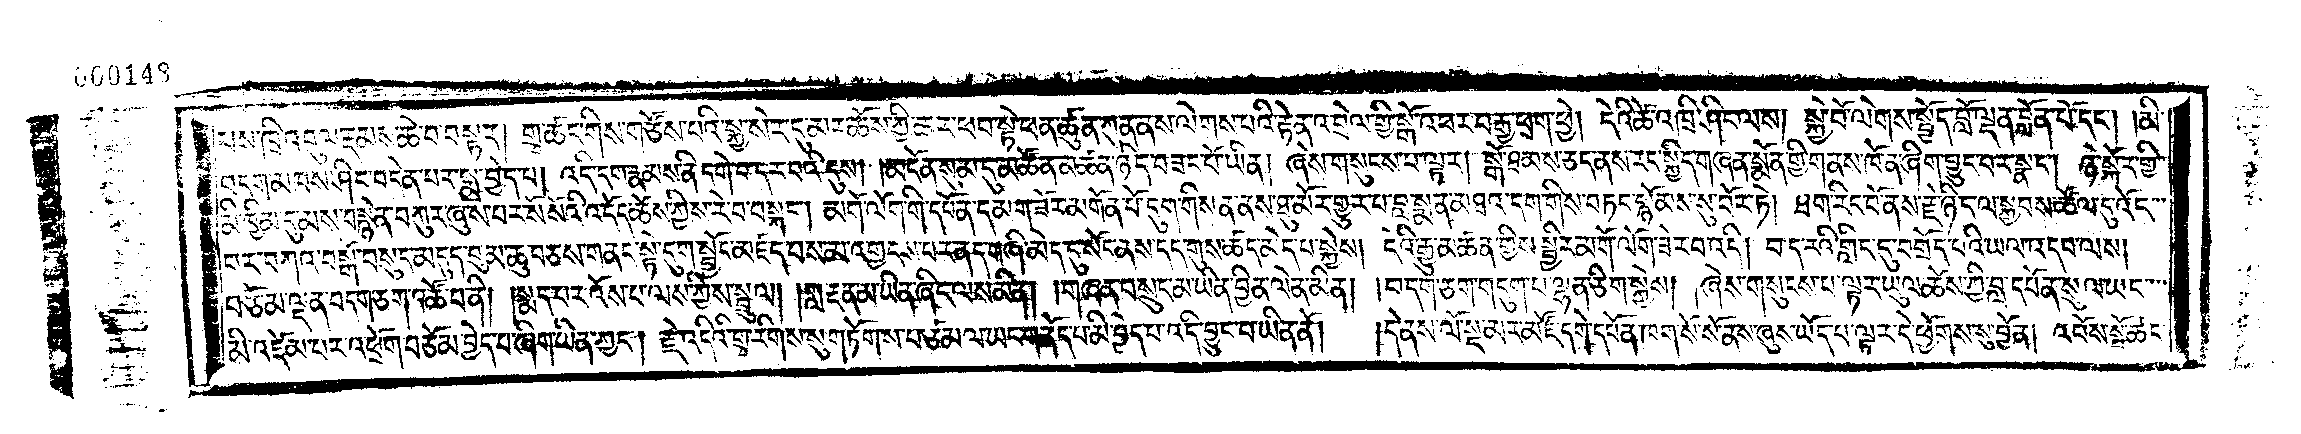པས་ཁྲི་འབུལ་རྔམས་ཆེ་བ་བསྟར། གྲྭ་ཚང་གིས་གཙོས་པའི་སྐྱ་སེར་དུ་མར་ཆོས་ཀྱི་ཆར་ཕབ་སྟེ་ཕན་ཚུན་ཀུན་ནས་ལེགས་པའི་རྟེན་འབྲེལ་གྱི་སྒོ་འཕང་བརྒྱ་ཕྲག་ཕྱེ། དེའི་ཚེ་འཁྲི་ཤིང་ལས། སྐྱེ་པོ་ལེགས་སྤྱོད་བློ་ལྡན་བློན་པོ་དང་། །མི་
བདག་མཁས་ཤིང་བདེན་པར་སྨྲ་བྱེད་པ། འདི་དག་རྣམས་ནི་དགེ་པ་དར་བའི་དུས། །མངོན་སུམ་དུ་མཚོན་མཚན་ཉིད་བཟང་པོ་ཡིན། ཞེས་གསུངས་པ་ལྟར། སྒོ་ཐམས་ཅད་ནས་རང་སྐྱིད་གཞན་སྨོན་གྱི་གནས་ཁོ་ན་ཞིག་བྱུང་བར་སྣང་། ཉེ་སྐོར་གྱི་
མི་ཁྱིམ་དུ་མས་བསྙེན་བཀུར་ཞུས་པར་སོ་སོའི་འདོད་ཆོས་ཀྱིས་རེ་བ་བསྐང་། མགོ་ལོག་གི་དཔོན་དམག་ཟོར་མགོན་པོ་དུག་གིས་ན་ནས་ཐུ་མོར་གྱུར་པ་བླ་སྨན་མཐའ་དག་གིས་བཏང་སྙོམས་སུ་བོར་ཏེ། ཐག་རིང་པོ་ནས་རྗེ་ཉིད་ལ་སྐྱབས་ཚོལ་དུ་འོང་
བར་བཀའ་བསྒོ་བསྲུང་མདུད་བུམ་ཆུ་བཅས་གནང་སྟེ་དུག་སྦྱོང་མཛད་པས་མ་འགྱངས་པར་ནད་གཞི་མེད་དུ་སོང་ནས་དད་གུས་ཚད་མེད་པ་སྐྱེས། དེའི་རྒྱུ་མཚན་གྱིས་སྤྱིར་མགོ་ལོག་ཟེར་བ་འདི། པ་ད་རའི་གླིང་དུ་བགྲོད་པའི་ཡལ་འདབ་ལས།
བཅོམ་ལྡན་བདག་ཅག་འཚོ་བ་ནི། །སྨད་པར་འོས་པ་ལས་ཀྱིས་སྤྲུལ། །གླ་རྔན་མ་ཡིན་ཞིང་ལས་མིན། །གཞན་བསྲུང་མ་ཡིན་བྱིན་ལེན་མིན། །བདག་ཅག་གདུག་པ་ལྷན་ཅིག་སྐྱེས། །ཞེས་གསུངས་པ་ལྟར་ཡུལ་ཚེས་ཀྱི་བླ་དཔོན་སུ་ལ་ཡང་
མི་འཛེམ་པར་འཕྲོག་བཅོམ་བྱེད་པ་ཞིག་ཡིན་ཀྱང་། རྗེ་འདིའི་གྲྭ་རིགས་སུ་གཏོགས་པ་ཙམ་ལ་ཡང་གནོད་པ་མི་བྱེད་པ་འདི་བྱུང་བ་ཡིན་ནོ། །དེ་ནས་ལོ་སྔ་མར་མཛོ་དགེ་དཔོན་ཁག་སོ་སོ་ནས་ཞུས་ཡོད་པ་ལྟར་དེ་ཕྱོགས་སུ་བྱོན། འབོས་སྤོ་ཚང་